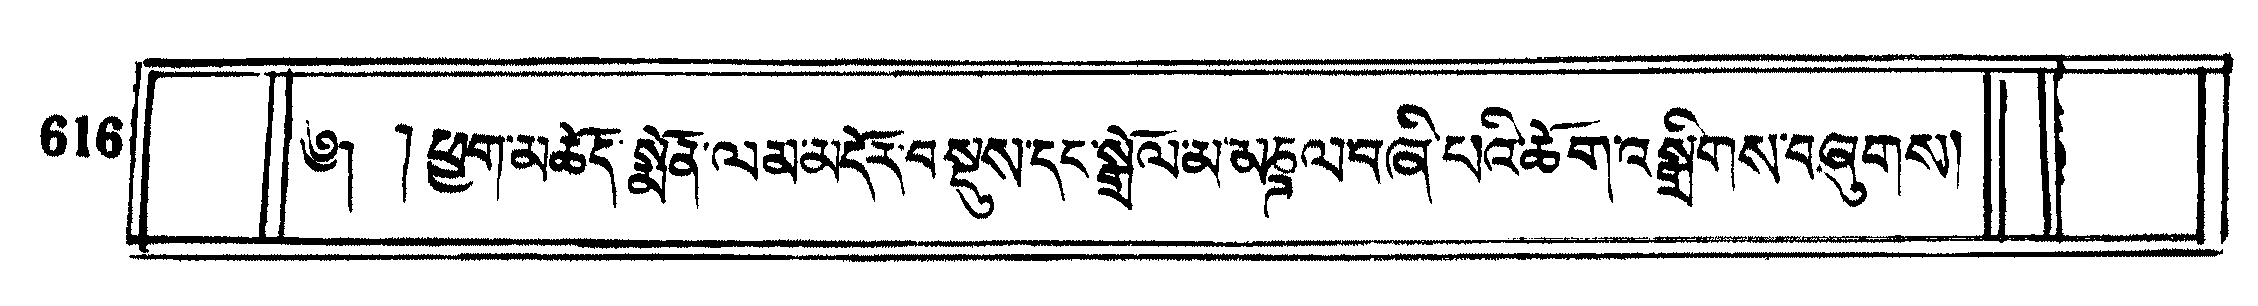༄༅། །ཕྱག་མཆོད་སྨོན་ལམ་མདོར་བསྡུས་དང་སྒྲོལ་མ་མཎྜལ་བཞི་པའི་ཆོག་བསྒྲིགས་བཞུགས།